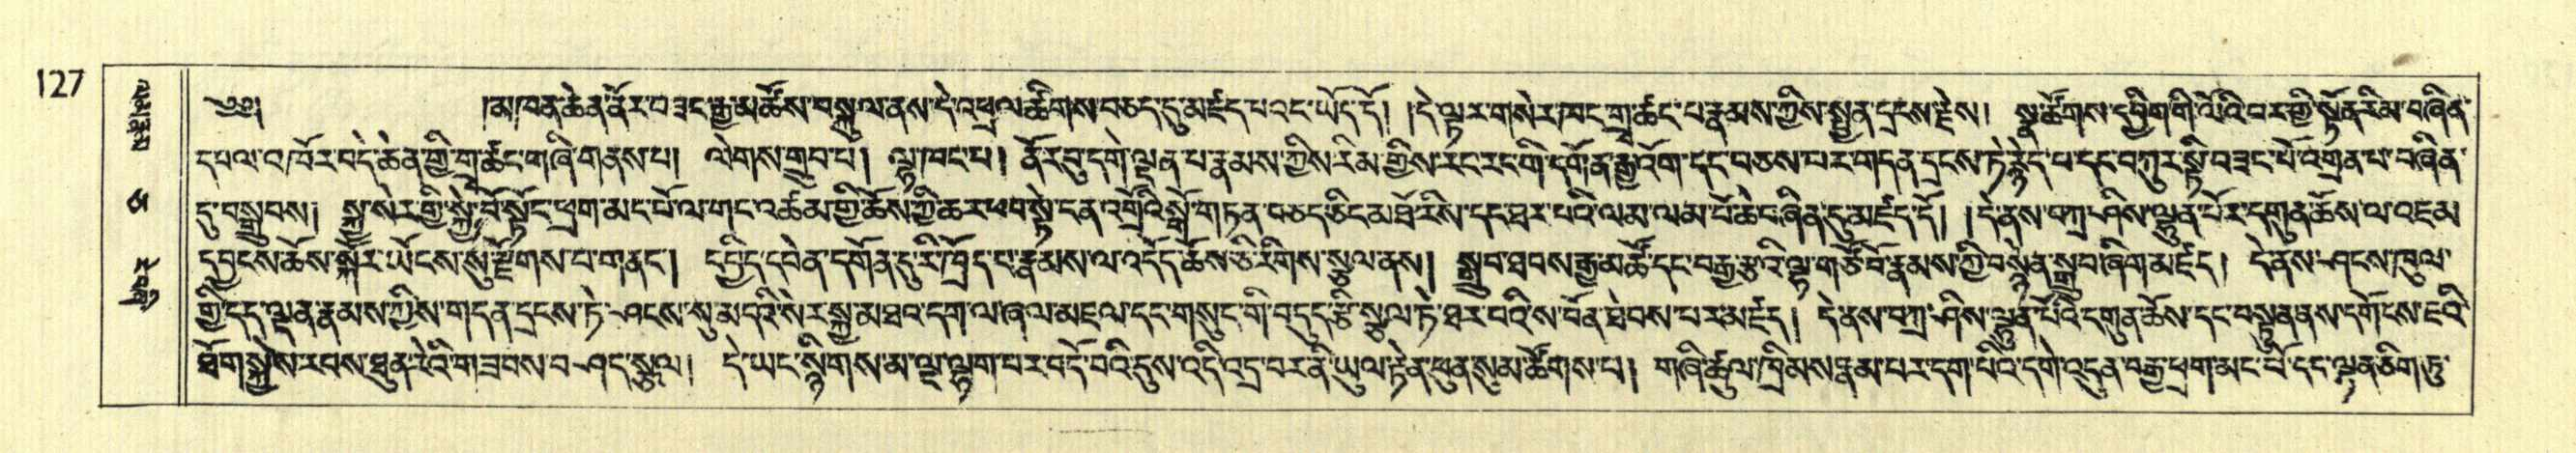༄༅། །མཁན་ཆེན་ནོར་བཟང་རྒྱ་མཆོས་བསྐུལ་ནས་དེ་འཕྲལ་ཚིགས་བཅད་དུ་མཛད་པའང་ཡོད་དོ། །དེ་ལྟར་གསེར་ཁང་གྲྭ་ཚང་པ་རྣམས་ཀྱིས་སྤྱན་དྲངས་རྗེས། སྣ་ཚོགས་དབྱིག་གི་ལོའི་བར་གྱི་སྟོན་རིམ་བཞིན་
དཔལ་འཁོར་བདེ་ཆེན་གི་གྲྭ་ཚང་གཞི་གནས་པ། ལེགས་གྲུབ་པ། ལྷ་ཁང་པ། ནོར་བུ་དགེ་ལྡན་པ་རྣམས་ཀྱིས་རིམ་གྱིས་རང་རང་གི་དགོན་རྒྱ་འོག་དང་བཅས་པར་གདན་དྲངས་ཏེ་རྙེད་པ་དང་བཀུར་སྟི་བཟང་པོ་འགྲན་པ་བཞིན་
དུ་བསྒྲུབས། སྐྱ་སེར་གྱི་སྐྱེ་བོ་སྟོང་ཕྲག་མང་པོ་ལ་གང་འཚམ་གྱི་ཆོས་ཀྱི་ཆར་ཕབ་སྟེ་ངན་འགྲོའི་སྒྲོ་གཏན་བཅད་ཅིང་མཐོ་རིས་དང་ཐར་པའི་ལམ་ལམ་པོ་ཆེ་བཞིན་དུ་མཛད་དོ། །དེ་ནས་བཀྲ་ཤིས་ལྷུན་པོར་དགུན་ཆོས་ལ་འཇམ་
དབྱངས་ཆོས་སྐོར་ཡོངས་སུ་རྫོགས་པ་གནང་། དབྱིད་དབེན་དགོན་དུ་རི་ཁྲོད་པ་རྣམས་ལ་འདོད་ཆོས་ཅི་རིགས་སྩལ་ནས། སྒྲུབ་ཐབས་རྒྱ་མཚོ་དང་བརྒྱ་རྩའི་ལྷ་གཙོ་བོ་རྣམས་ཀྱི་བསྙེན་སྒྲུབ་ཞིག་མཛད། དེ་ནས་ཤངས་ཁུལ་
གྱི་དད་ལྡན་རྣམས་ཀྱིས་གདན་དྲངས་ཏེ་ཤངས་སུ་མདའི་སེར་སྐྱ་མཐའ་དག་ལ་ཞལ་མཇལ་དང་གསུང་གི་བདུད་རྩི་སྩལ་ཏེ་ཐར་པའི་ས་བོན་ཐེབས་པར་མཛད། དེ་ནས་བཀྲ་ཤིས་ལྷུན་པོའི་དགུན་ཆོས་དང་བསྟུན་ནས་དགོངས་ཇའི་
ཐོག་སྐྱེས་རབས་ཐུན་རེའི་གཟབས་བཤད་སྩལ། དེ་ཡང་སྙིགས་མ་ལྔ་ལྷག་པར་བདོ་བའི་དུས་འདི་འདྲ་བར་ནི་ཡུལ་རྟེན་ཕུན་སུམ་ཚོགས་པ། གཞི་ཚུལ་ཁྲིམས་རྣམ་པར་དག་པའི་དགེ་འདུན་བརྒྱ་ཕྲག་མང་པོ་དང་ལྷན་ཅིག་ཏུ་